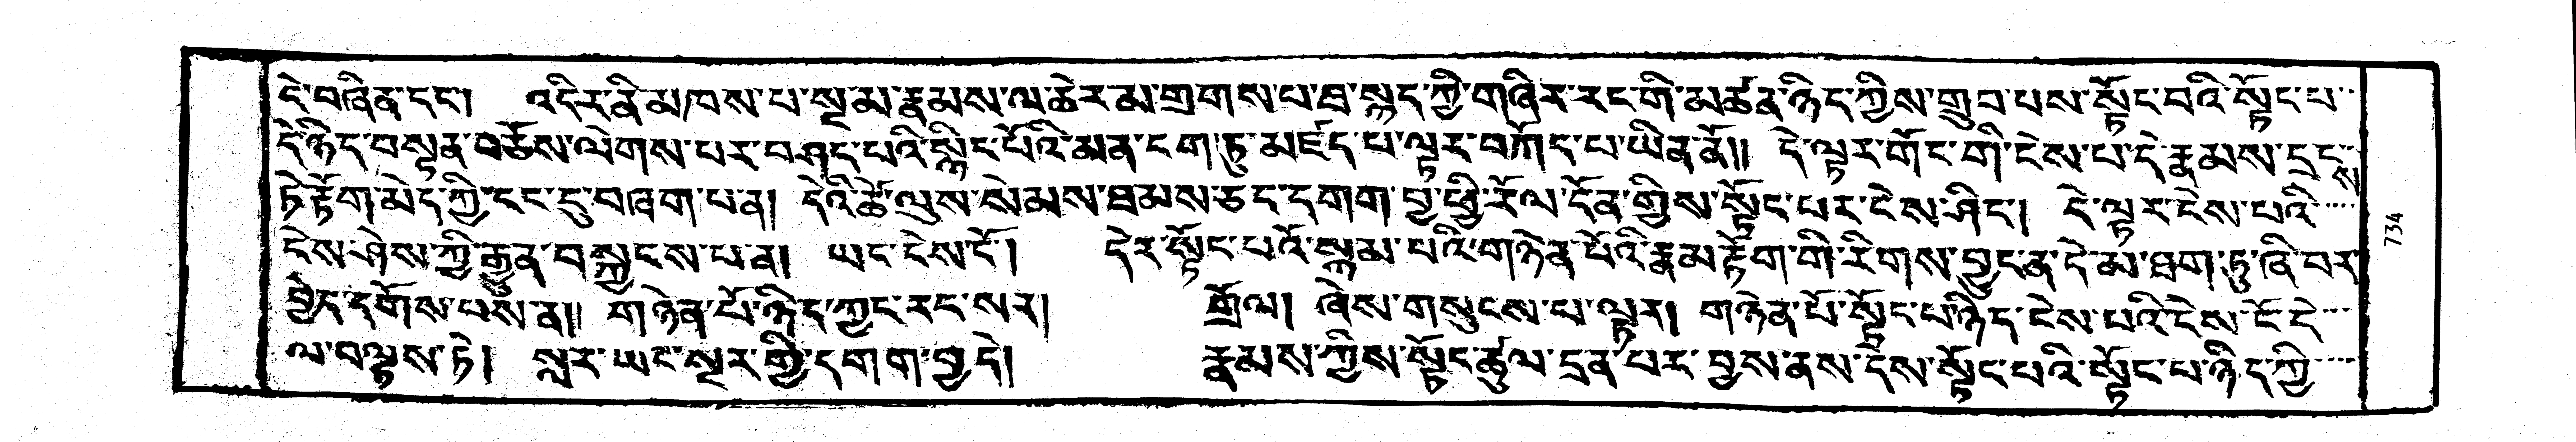དེ་བཞིན་དང་། འདིར་ནི་མཁས་པ་སྔ་མ་རྣམས་ལ་ཆེར་མ་གྲགས་པ་ཐ་སྙད་ཀྱི་གཞིར་རང་གི་མཚན་ཉིད་ཀྱིས་གྲུབ་པས་སྟོང་བའི་སྟོང་པ་
དེ་ཉིད་བསྟན་བཅོས་ལེགས་པར་བཤད་པའི་སྙིང་པོའི་མན་ངག་ཏུ་མཛད་པ་ལྟར་བཀོད་པ་ཡིན་ནོ།། དེ་ལྟར་གོང་གི་ངེས་པ་དེ་རྣམས་དྲངས་
ཏེ་རྟོག་མེད་ཀྱི་ངང་དུ་བཞག་པ་ན། དེའི་ཚེ་ལུས་སེམས་ཐམས་ཅད་དགག་བྱ་ཕྱི་རོལ་དོན་གྱིས་སྟོང་པར་ངེས་ཤིང་། དེ་ལྟར་ངེས་པའི་
ངེས་ཤེས་ཀྱི་རྒྱུན་བསྐྱངས་པ་ན། ཡང་ངེས་ངོ། དེར་སྟོང་པའོ་སྙམ་པའི་གཉེན་པོའི་རྣམ་རྟོག་གི་རིགས་བྱུང་ན་དེ་མ་ཐག་ཏུ་ཞི་བར་
བྱེད་དགོས་པས་ན།། གཉེན་པོ་ཉིད་ཀྱང་རང་སར། གྲོལ། ཞེས་གསུངས་པ་ལྟར། གཉེན་པོ་སྟོང་པ་ཉིད་ངེས་པའི་ངེས་ངོ་དེ་
ལ་བལྟས་ཏེ། སླར་ཡང་སྔར་གྱི་དགག་བྱ་དེ། རྣམས་ཀྱིས་སྟོང་ཚུལ་དྲན་པར་བྱས་ནས་དེས་སྟོང་པའི་སྟོང་པ་ཉིད་ཀྱི་